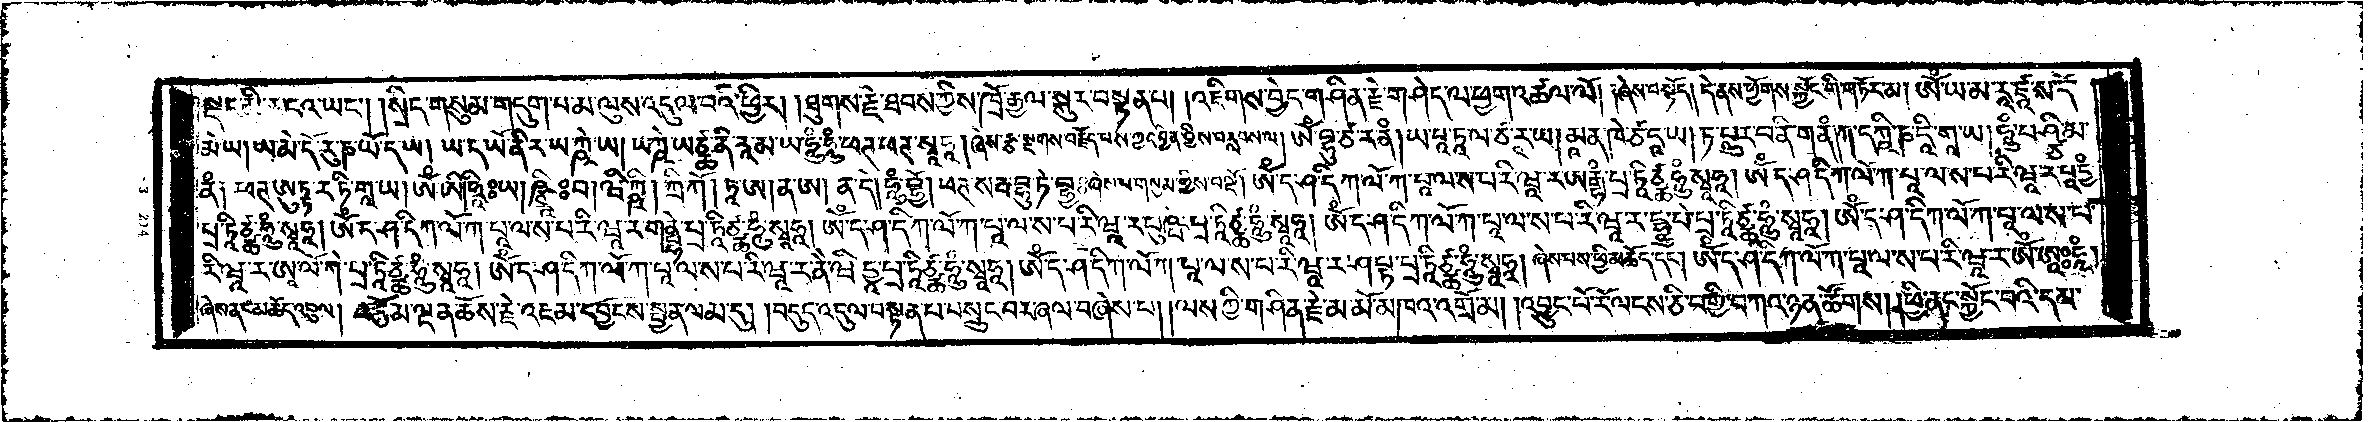སྡང་མི་མངའ་ཡང་། །སྲིད་གསུམ་གདུག་པ་མ་ལུས་འདུལ་བའི་ཕྱིར། །ཐུགས་རྗེ་ཐབས་ཀྱིས་ཁྲོ་རྒྱལ་སྐུར་བསྟན་པ། །འཇིགས་བྱེད་གཤིན་རྗེ་གཤེད་ལ་ཕྱག་འཚལ་ལོ། །ཞེས་བསྟོད། དེ་ནས་ཕྱོགས་སྐྱོང་གི་གཏོར་མ།  ཨོཾ་ཡ་མ་རཱ་ཛཱ་ས་དོ་
མེ་ཡ། ཡ་མེ་དོ་རུ་ཎ་ཡོ་ད་ཡ། ཡ་ད་ཡོ་ནི་ར་ཡ་ཀྵེ་ཡ། ཡཀྵེ་ཡཙྪ་ནི་རཱ་མ་ཡ་ཧཱུཾ་ཧཱུཾ་ཕཊ་ཕཊ་སྭཱཧཱ། ཞེས་རྩ་སྔགས་བརྗོད་པས་ཀྱང་བྱིན་གྱིས་བརླབས་ལ།  ཨོཾ་བྷ་ཙ་ར་ནཾ། ཡ་པཱ་ཏཱ་ལ་ཙ་རཱ་ཡ། མཱན་ཁེ་ཙ་དཱ་ཡ། ཏ་པཱུར་བ་ནི་གནཾ། ཀ་དཀྵི་ཎ་དཱི་གཱ་ཡ། ཧཱུཾ་པ་ཤྩིམ་
ནཾ༑ ཕཊ་ཨུཏྟ་ར་ཏཱི་གཱ་ཡ། ཨོཾ་ཨི། ཧྲཱིཿ ཡ། ཥྚྲཱིཿབ། ཝིཀྵི། ཀྲི་ཀོ། ཏཱ་ཨ། ན་ཨ། ན་དེ། ཧཱུཾ་བྷྱོ། ཕཊ་སརྦ་བྷུ་ཏེ་བྷྱཿ ཞེས་པ་གསུམ་གྱིས་བསྔོ།  ཨོཾ་ད་ཤ་དི་ཀ་ལོ་ཀ་པཱ་ལས་པ་རི་ཝཱ་ར་ཨརྒྷཾ་པྲ་ཏཱི་ཙྪ་ཧཱུཾ་སྭཱཧཱ། ཨོཾ་ད་ཤ་དི་ཀ་ལོ་ཀ་པཱ་ལས་པ་རི་ཝཱ་ར་པཱ་དྱཾ་
པྲ་ཏཱི་ཙྪ་ཧཱུཾ་སྭཱཧཱ། ཨོཾ་ད་ཤ་དི་ཀ་ལོ་ཀ་པཱ་ལས་པ་རི་ཝཱ་ར་གནྦྷེ་པྲ་ཏཱིཙྪ་ཧཱུཾ་སྭཱཧཱ། ཨོཾ་ད་ཤ་དི་ཀ་ལོ་ཀ་པཱ་ལ་ས་པ་རི་ཝཱ་ར་པུཥྤ་པྲ་ཏཱི་ཙྪ་ཧཱུཾ་སྭཱཧཱ། ཨོཾ་ད་ཤ་དི་ཀ་ལོ་ཀ་པཱ་ལས་པ་རི་ཝཱ་ར་དྷཱུ་པེ་པྲ་ཏཱི་ཙྪ་ཧཱུཾ་སྭཱཧཱ། ཨོཾ་ད་ཤ་དི་ཀ་ལོ་ཀ་པཱ་ལས་པ་
རི་ཝཱ་ར་ཨཱ་ལོ་ཀེ་པྲ་ཏཱི་ཙྪ་ཧཱུཾ་སྭཱཧཱ། ཨོཾ་ད་ཤ་དི་ཀ་ལོ་ཀ་པཱ་ལས་པ་རི་ཝཱ་ར་ནཻ་ཝི་དྱཱ་པྲ་ཏཱི་ཙྪ་ཧཱུཾ་སྭཱཧཱ། ཨོཾ་ད་ཤ་དི་ཀ་ལོ་ཀ་པཱ་ལ་ས་པ་རི་ཝཱ་ར་ཤཔྟ་པྲ་ཏཱི་ཙྪ་ཧཱུཾ་སྭཱཧཱ། ཞེས་པས་ཕྱི་མཆོད་དང་།  ཨོཾ་ད་ཤ་དི་ཀ་ལོ་ཀ་པཱ་ལ་ས་པ་རི་ཝཱ་ར་ཨོཾ་ཨཱཿ ཧཱུཾ།
ཞེས་ནང་མཆོད་འབུལ།  བཅོམ་ལྡན་ཆོས་རྗེ་འཇམ་དབྱངས་སྤྱན་ལམ་དུ། །བདུད་འདུལ་བསྟན་པ་བསྲུང་བར་ཞལ་བཞེས་པ། །ལས་ཀྱི་གཤིན་རྗེ་མ་མོ་མཁའ་འགྲོ་མ། །འབྱུང་པོ་རོ་ལངས་ཅི་བགྱི་བཀའ་ཉན་ཚོགས། །ཕྱི་ནང་སྐྱོང་བའི་དམ་